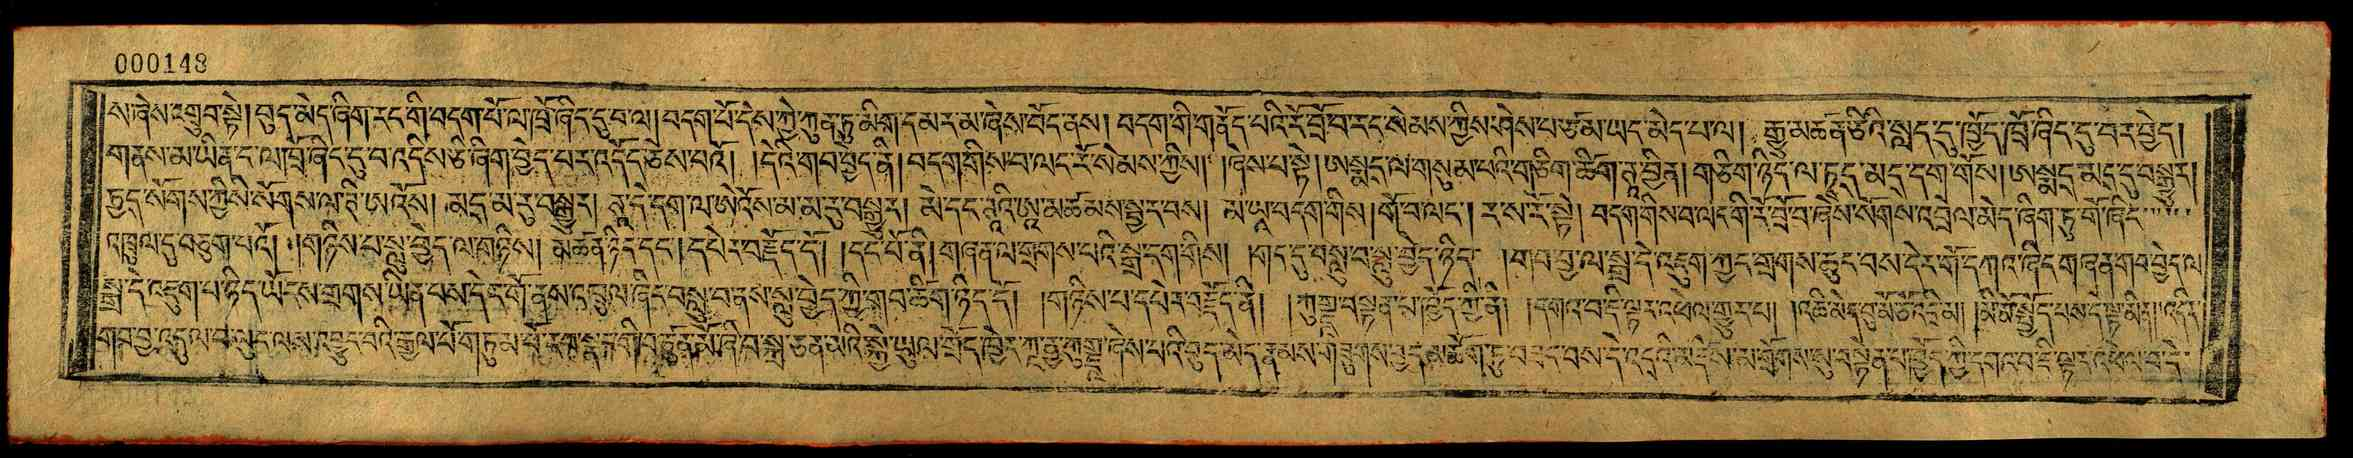ས་ཞེས་འགྲུབ་སྟེ། བུད་མེད་ཞིག་རང་གི་བདག་པོ་ལ་ཁྲོ་ཞིང་དུ་བ་ལ། བདག་པོ་ངེས་ཀྱེ་ཀུན་ཏུ་མིག་དམར་མ་ཞེས་བོད་ནས། བདག་གི་གནོད་པའི་རོ་བྲོ་བ་རང་སེམས་ཀྱིས་ཤེས་པ་ཙམ་ཡང་མེད་པ་ལ། རྒྱུ་མཚན་ཅིའི་སླད་དུ་ཁྱོད་ཁྲོ་ཞིང་དུ་བར་བྱེད།
གནས་མ་ཡིན་ང་ལ་ཁྲོ་ཞིང་དུ་བ་འདིས་ཅི་ཞིག་བྱེད་པར་འདོད་ཅེས་པའོ། །དེའི་གབ་བྱེད་ནི། བདག་གིས་བ་ལང་རོ་སེམས་ཀྱིས། །ཞེས་པ་སྟེ། ཨསྨྲད་ལ་གསུམ་པའི་གཅིག་ཚིག་ཊཱ་བྱིན། གཅིག་ཉིད་ལ་ཏད་མྲད་ངག་གོས། ཨསྨྲད་མདྲ་དུ་བསྒྱུར།
ཏྱད་སོགས་ཀྱི་སི་སོགས་ལ་ཊི་Oས། མདྲ་མ་རུ་བསྒྱུར། ཊཱ་དི་དག་ལ་Oས་མ་མེ་རུ་བསྒྱུར། མེ་དང་ཊཱའི་ཨཱ་མཚམས་སྦྱར་བས། མ་ཡཱ་བདག་གིས། གོ་བ་ལང་། ར་ས་རོ་སྟེ། བདག་གིས་བ་ལང་གི་རོ་བྲོ་བ་ཞེས་སོགས་འབྲེལ་མེད་ཞིག་ཏུ་གོ་ཞིང་
འཁྲུལ་དུ་བཅུག་པའོ། །གཉིས་པ་སླུ་བྱེད་ལ་གཉིས། མཚན་ཉིད་དང་། དཔེར་བརྗོད་དོ། །དང་པོ་ནི། གཞན་ལ་གྲགས་པའི་སྒྲ་དག་གིས། །གང་དུ་བསླུ་བ་སླུ་བྱེད་ཉིད། །གབ་བྱ་ལ་སྒྲ་དེ་འཇུག་ཀྱང་གྲགས་ཆུང་བས་དེར་གོ་དཀའ་ཞིང་གཞན་གབ་བྱེད་ལ་
སྒྲ་དེ་འཇུག་པ་ཉིད་ཡོངས་གྲགས་ཡིན་པས་དེར་གོ་ནས་འཁྲུལ་ཞིང་བསླུ་བ་ན་སླུ་བྱེད་ཀྱི་གབ་ཚིག་ཉིད་དོ། །གཉིས་པ་དཔེར་བརྗོད་ནི། །ཀུབྫཱ་བསྟན་པ་ཁྱོད་ཀྱི་ནི། །དགའ་བ་ཇི་ལྟར་འཕེལ་གྱུར་པ། །འཆི་མེད་བུ་མོར་ཅོ་འདྲི་མ། །མི་མོ་སྤྱོད་པས་དེ་ལྟ་མིན། །འདིར་
གབ་བྱ་འདུལ་བ་ལུང་ལས་འབྱུང་བའི་རྒྱལ་པོ་གཏུམ་པོ་རབ་སྣང་གི་བཙུན་མོ་ཞི་བ་སྐྲ་ཅན་མའི་སྐྱེ་ཡུལ་གྲོང་ཁྱེར་ཀཱ་ནྱ་ཀུབ་ཛཱ་ཞེས་པའི་བུད་མེད་རྣམས་གཟུགས་བྱད་མཆོག་ཏུ་བཟང་བས་དེ་འདྲའི་མཛེས་མ་གྲོགས་སུ་བསྟེན་པ་ཁྱོད་ཀྱི་དགའ་བ་ཇི་ལྟར་འཕེལ་བ་དེ་